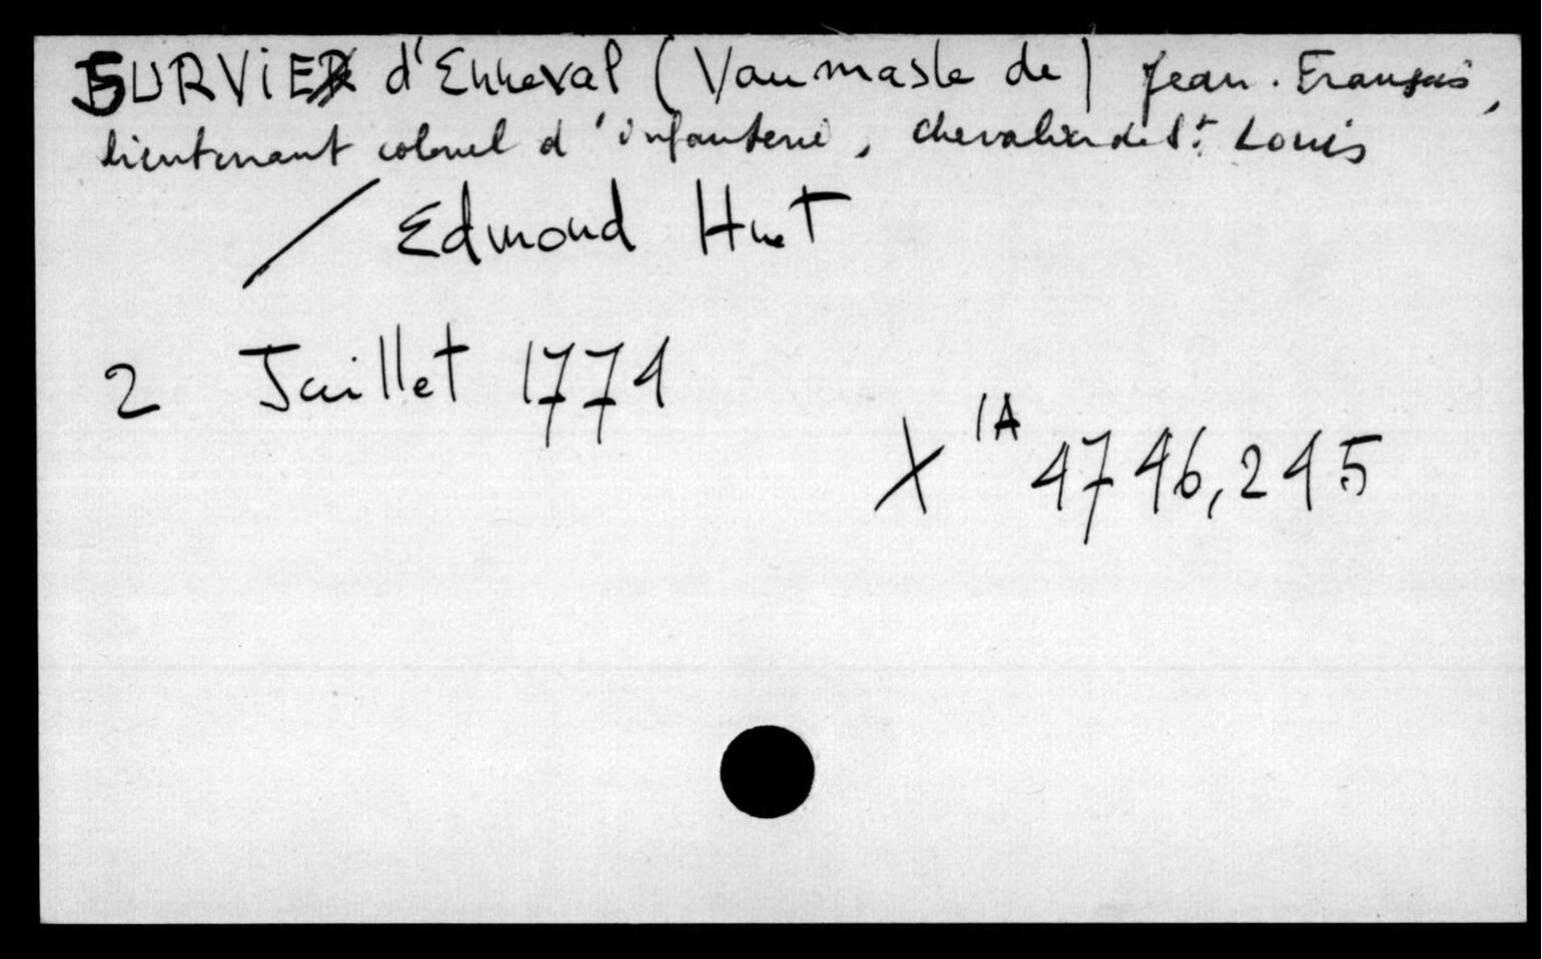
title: SURVIE d'ENNEVAL(Vaumasle de) Jean-François, lieutenant colonel d'Infanterie, chevalier de Saint-Louis
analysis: Contre Edmond Huet
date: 2 juillet 1774
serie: X1A
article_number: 4746
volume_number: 245
